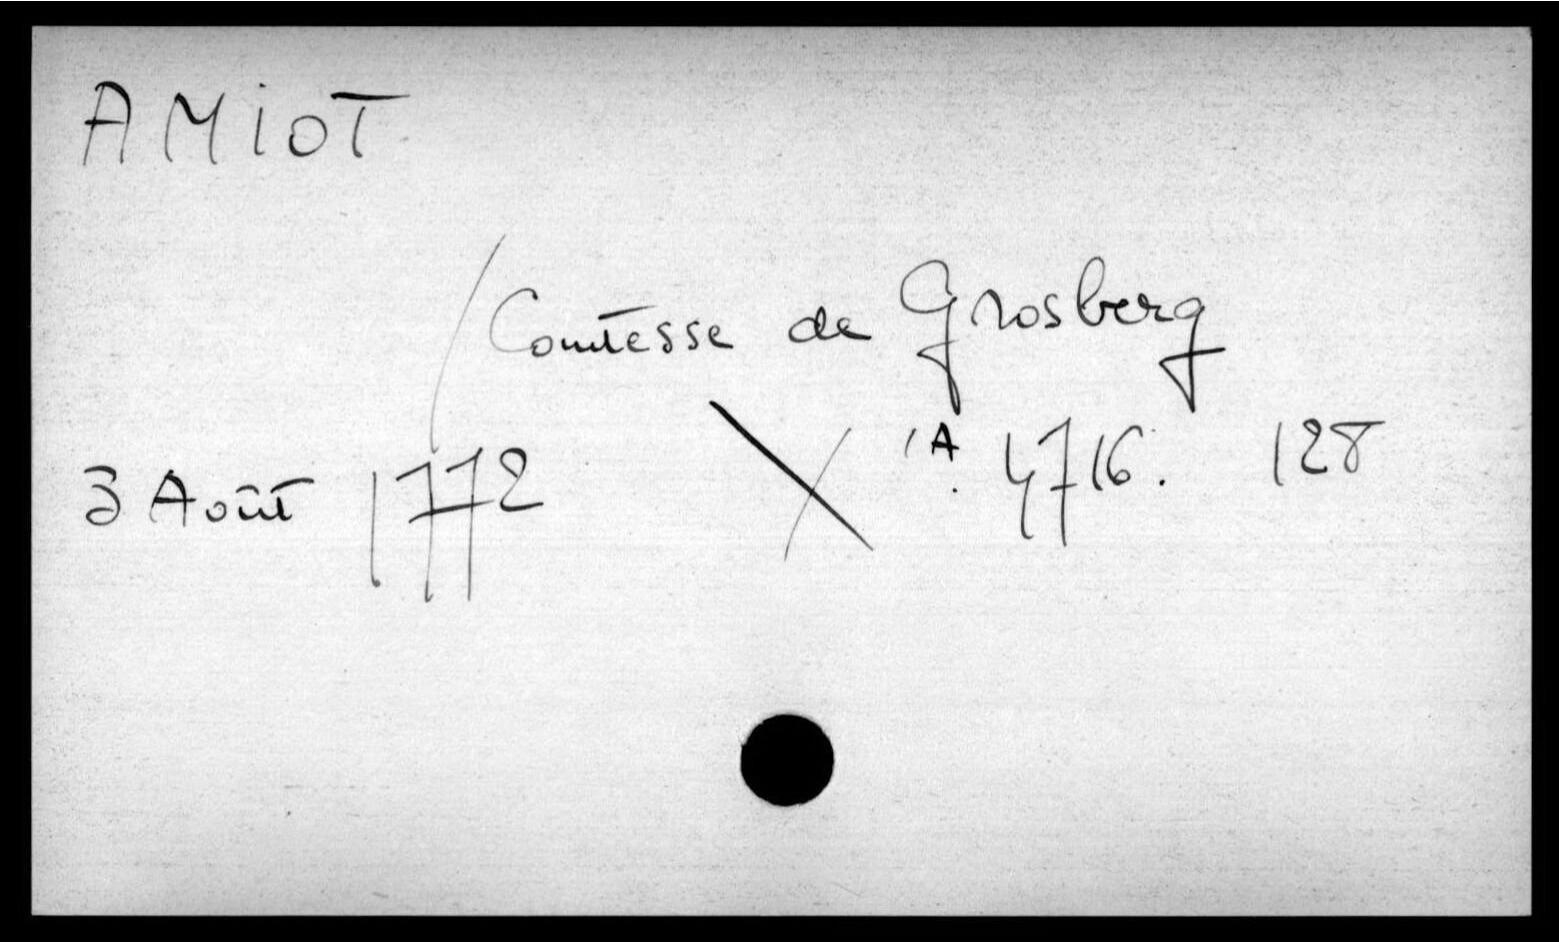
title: AMIOT
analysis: Contre Comtesse de Grosberg
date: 3 août 1772
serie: X1A
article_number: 4716
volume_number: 128
